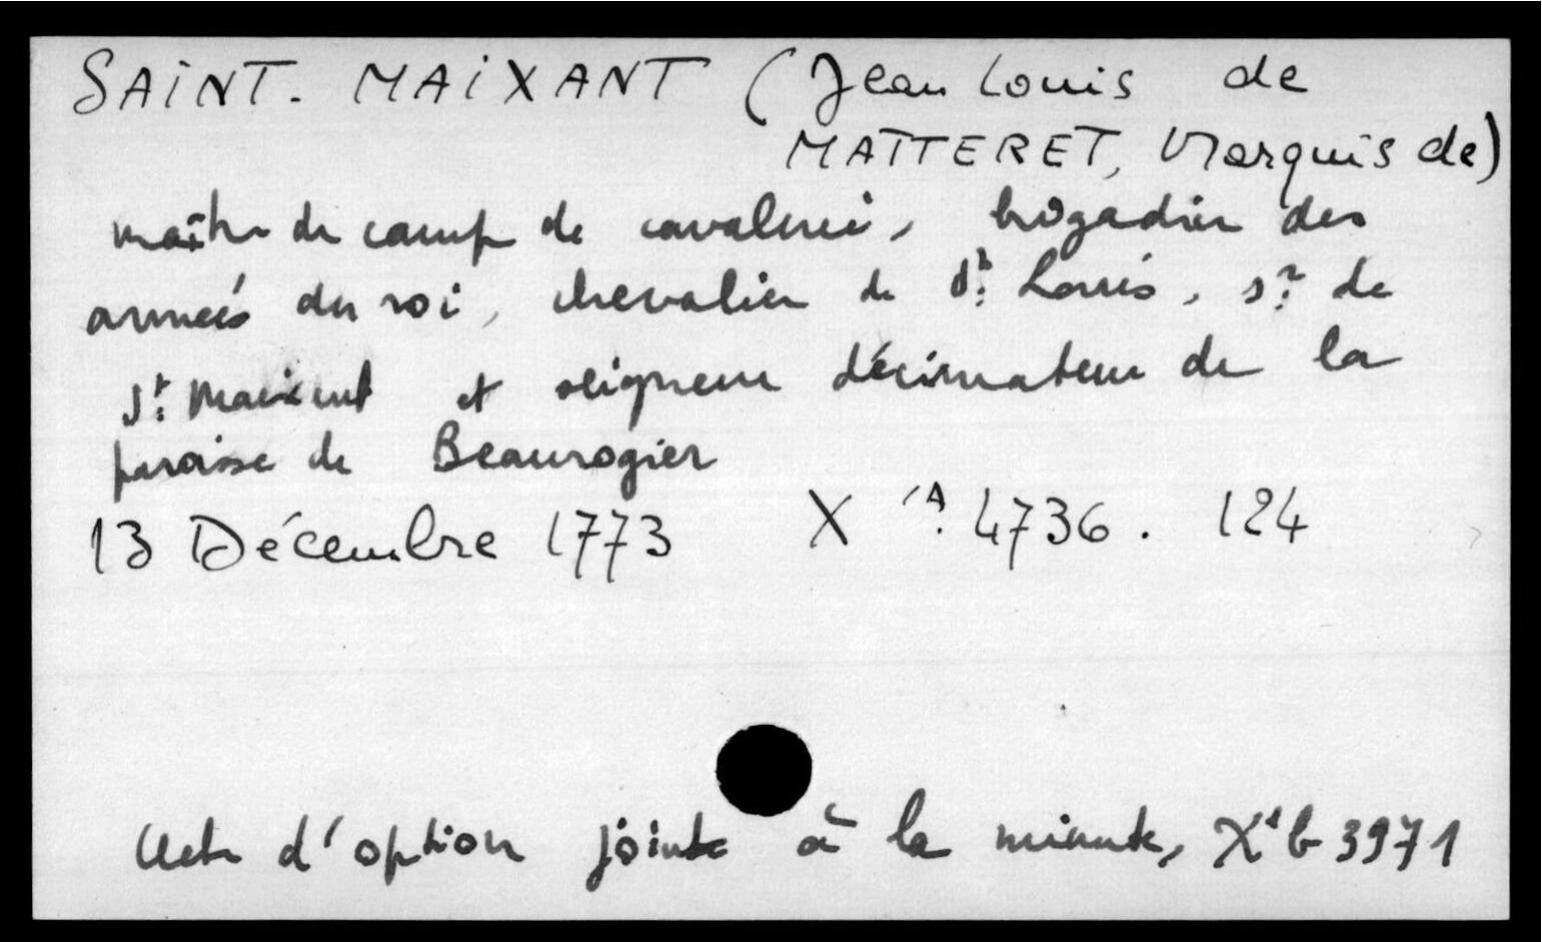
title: SAINT-MAIXANT (Jean Louis de MAITERET, Marquis de) maître de camp de cavalerie, brigadier des armées du roi, chevalier de Saint-Louis, seigneur de Saint-Maixent et seigneur décimateur de la paroisse de Beaurogier
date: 13 décembre 1773
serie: X1A
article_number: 4736
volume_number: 124
